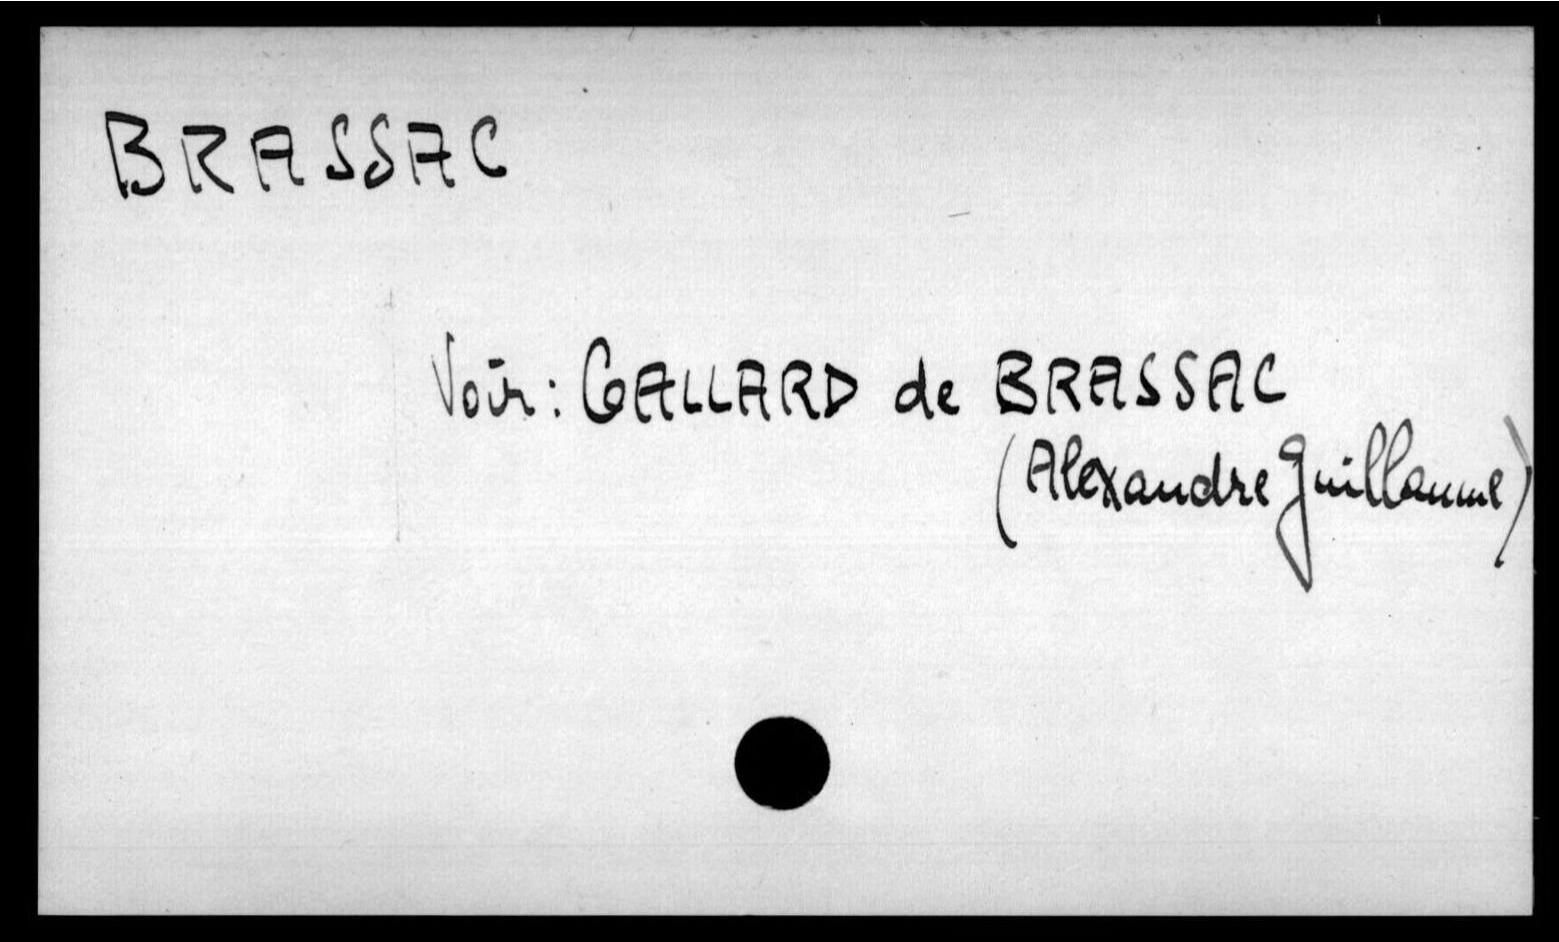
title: BRASSAC
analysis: Voir GALLARD de BRASSAC (Alexandre Guillaume)
